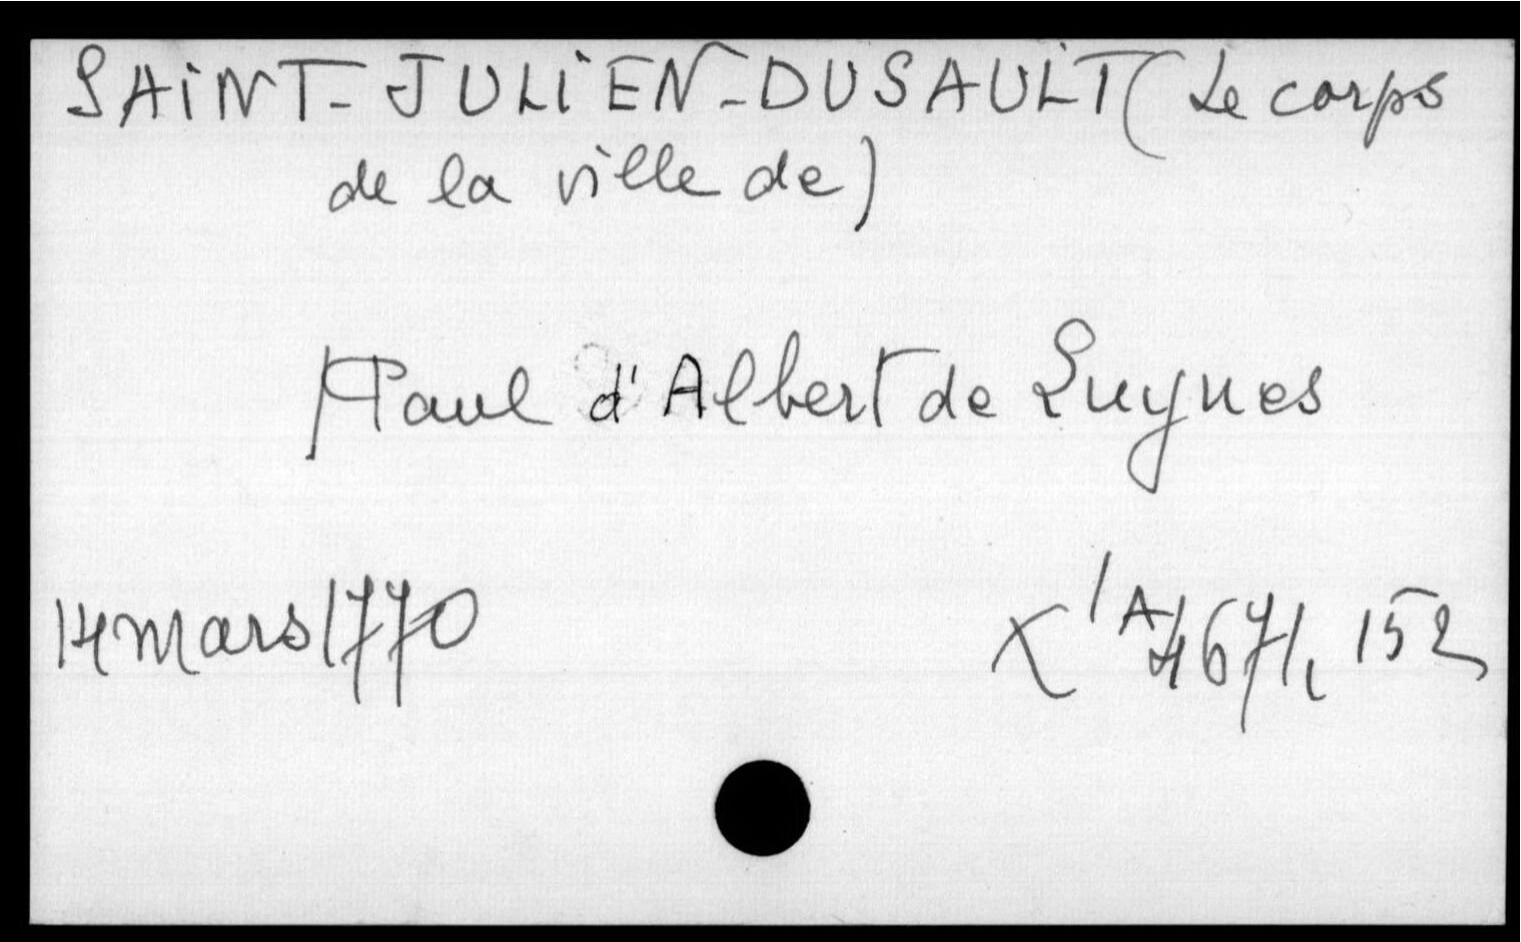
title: SAINT-JULIEN-DUSAULT (Le corps de la ville de)
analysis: Contre Paul d'Albert de Luynes
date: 14 mars 1770
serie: X1A
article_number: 4671
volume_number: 152
